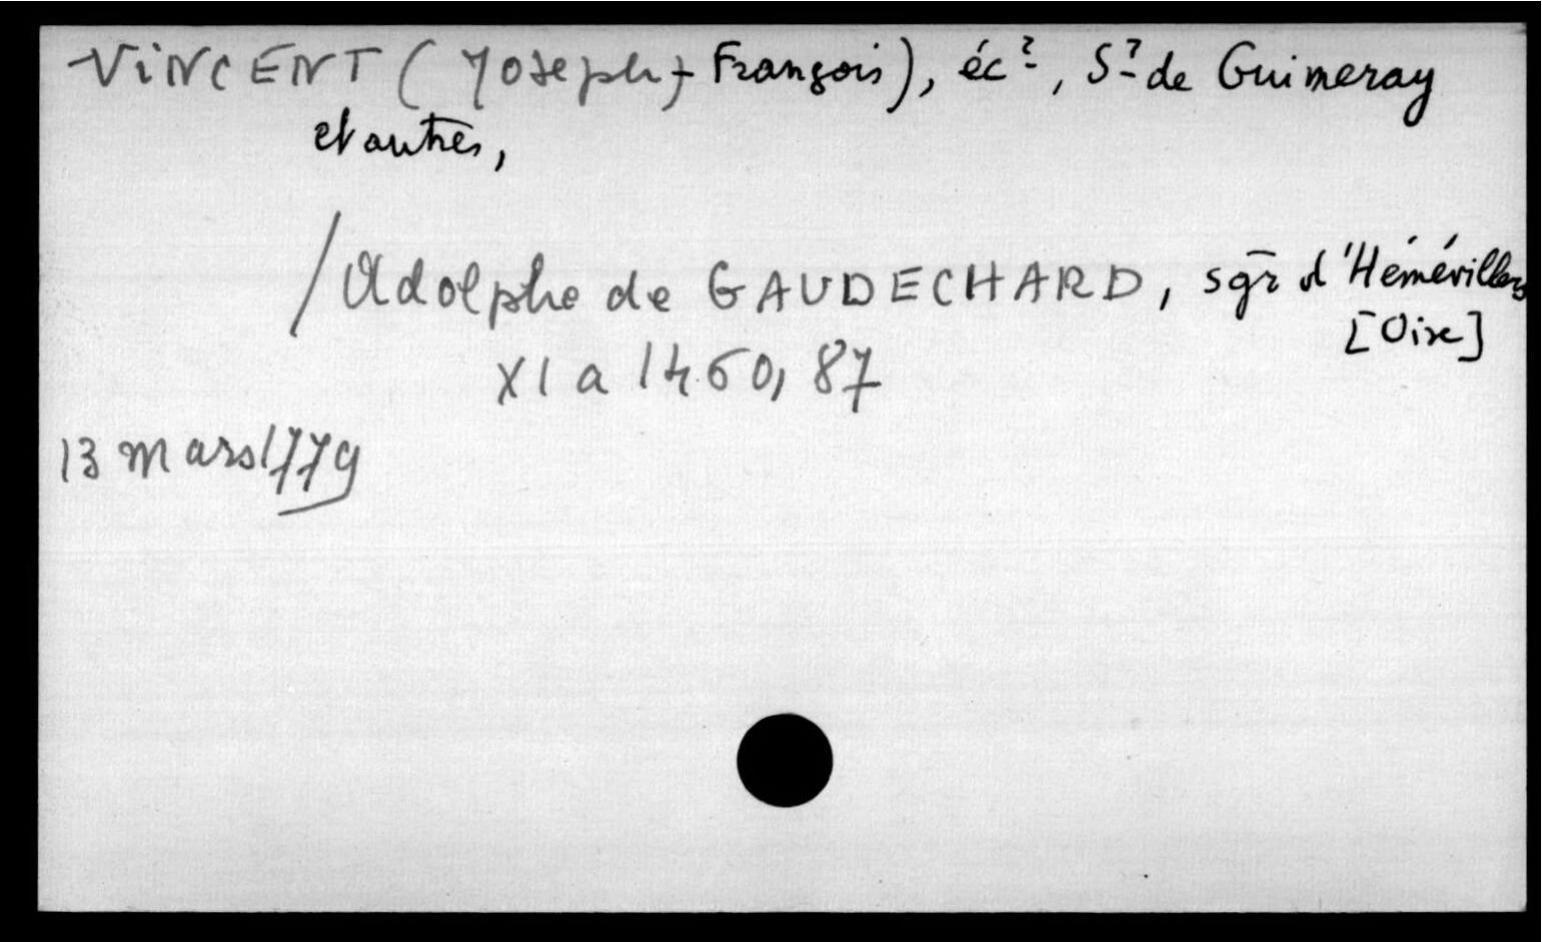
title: VINCENT (Joseph François), écuyer, Sieur de Guineray
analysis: Contre Adolphe de GAUDECHARD, seigneur d'Hémévillers [Oise)
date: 13 mars 1779
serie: X1a
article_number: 1460
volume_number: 87
